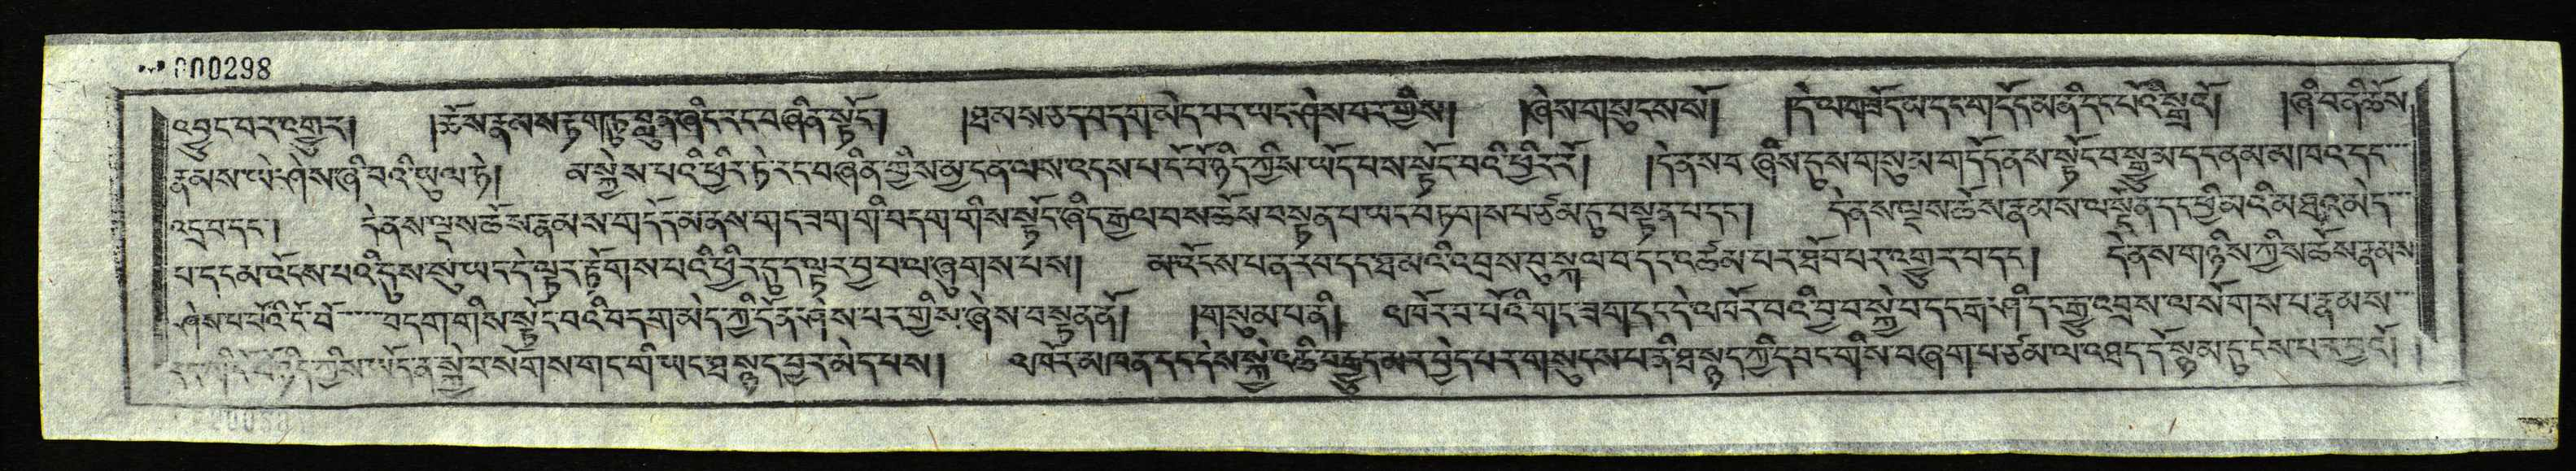འབྱུང་བར་འགྱུར། །ཆོས་རྣམས་རྟག་ཏུ་བླུན་ཞིང་རང་བཞིན་སྟོང་། །ཐམས་ཅད་བདག་མེད་པར་ཡང་ཤེས་པར་གྱིས། །ཞེས་གསུངས་སོ། །དེ་ལ་གཟོད་མ་དང་གདོད་མ་ནི་དང་པོའི་སྒྲའོ། །ཞི་བ་ནི་ཆོས་
རྣམས་ཡེ་ཤེས་ཞི་བའི་ཡུལ་ཏེ། མ་སྐྱེས་པའི་ཕྱིར་ཏེ་རང་བཞིན་གྱིས་མྱ་ངན་ལས་འདས་པ་ངོ་བོ་ཉིད་ཀྱིས་ཡོད་པས་སྟོང་པའི་ཕྱིར་རོ། །དེ་ནས་བཞིས་དུས་གསུམ་གདོད་ནས་སྟོང་བ་སྒྱུ་མ་དང་ནམ་མཁའ་དང་
འདྲ་བ་དང་། དེ་ནས་ལྔས་ཆོས་རྣམས་གདོད་མ་ནས་གང་ཟག་གི་བདག་གིས་སྟོང་ཞིང་རྒྱལ་བས་ཆོས་བསྟན་པ་ཡང་བཏགས་པ་ཙམ་དུ་བསྟན་པ་དང་། དེ་ནས་ལྔས་ཆོས་རྣམས་ལ་སྔོན་དང་ཕྱི་མའི་མཐའ་མེད་
པ་དང་མ་འོངས་པའི་དུས་སུ་ཡང་དེ་ལྟར་རྟོགས་པའི་ཕྱིར་དུ་ད་ལྟར་བྱ་བ་ལ་ཞུགས་པས། མ་འོངས་པ་ན་རབ་དང་ཐ་མའི་འབྲས་བུ་སྐལ་བ་དང་འཚམ་པར་ཐོབ་པར་འགྱུར་བ་དང་། དེ་ནས་གཉིས་ཀྱིས་ཆོས་རྣམས་
ཤེས་པ་པོའི་ངོ་བོ་བདག་གིས་སྟོང་བའི་བདག་མེད་ཀྱི་དོན་ཤེས་པར་གྱིས་ཞེས་བསྟན་ནོ། །གསུམ་པ་ནི། འཁོར་བ་པོའི་གང་ཟག་དང་དེ་འཁོར་བའི་བྱ་བ་སྐྱེ་བ་དང་རྒ་ཤི་དང་རྒྱུ་འབྲས་ལ་སོགས་པ་རྣམས་
རང་གི་ངོ་བོ་ཉིད་ཀྱིས་ཡོད་ན་སྐྱེ་བ་སོགས་གང་གི་ཡང་ཐ་སྙད་བྱར་མེད་པས། འཁོར་མཁན་དང་དེས་སྐྱེ་འཆི་བརྒྱུད་མར་བྱེད་པར་གསུངས་པ་ནི་ཐ་སྙད་ཀྱི་དབང་གིས་བཞག་པ་ཙམ་ལ་འཐད་དོ་སྙམ་དུ་ངེས་པར་བྱའོ།